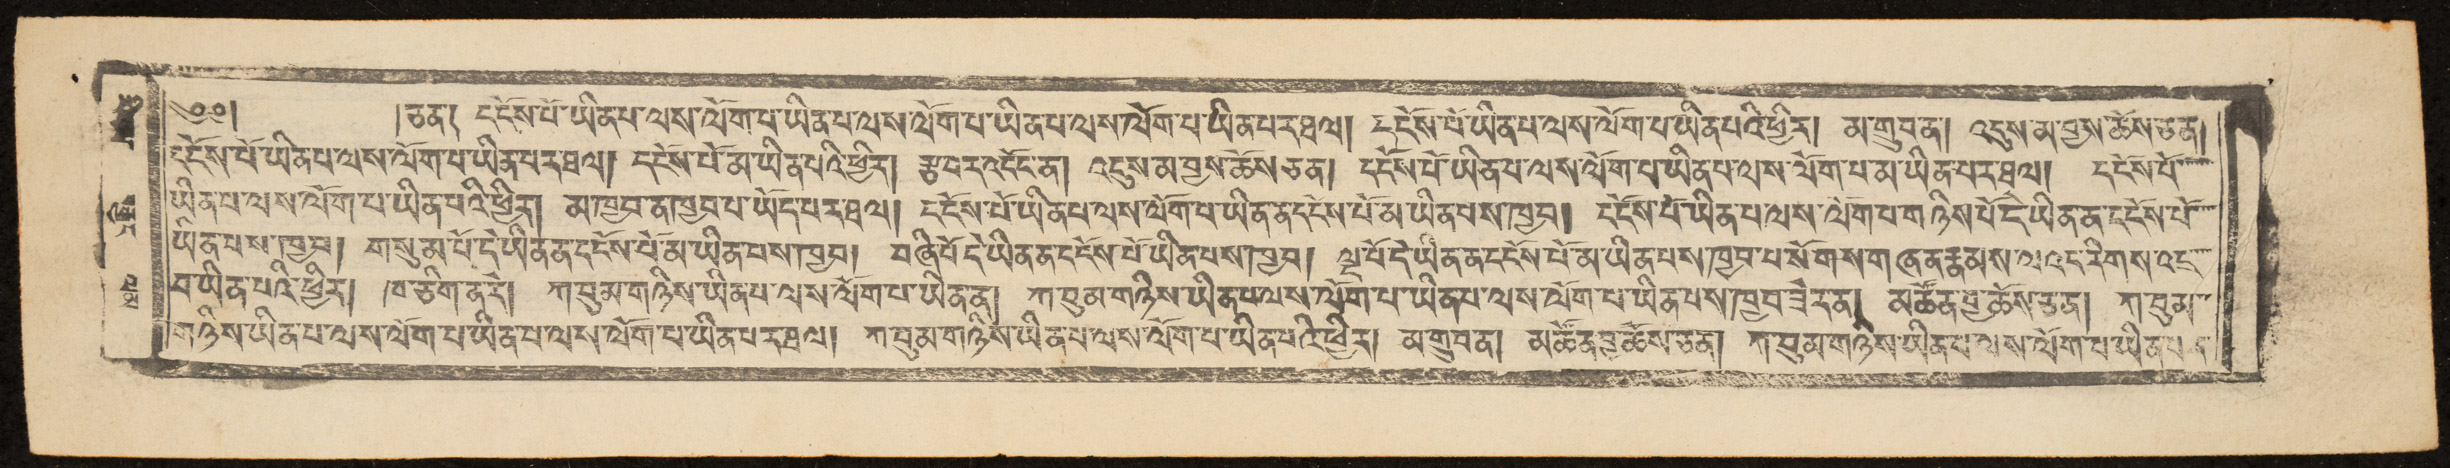༄༅། །ཅན། དངོས་པོ་ཡིན་པ་ལས་ལོག་པ་ཡིན་པ་ལས་ལོག་པ་ཡིན་པ་ལས་ལོག་པ་ཡིན་པར་ཐལ། དངོས་པོ་ཡིན་པ་ལས་ལོག་པ་ཡིན་པའི་ཕྱིར། མ་གྲུབ་ན། འདུས་མ་བྱས་ཆོས་ཅན།
དངོས་པོ་ཡིན་པ་ལས་ལོག་པ་ཡིན་པར་ཐལ། དངོས་པོ་མ་ཡིན་པའི་ཕྱིར། རྩ་བར་འདོད་ན། འདུས་མ་བྱས་ཆོས་ཅན། དངོས་པོ་ཡིན་པ་ལས་ལོག་པ་ཡིན་པ་ལས་ལོག་པ་མ་ཡིན་པར་ཐལ། དངོས་པོ་
ཡིན་པལས་ལོག་པ་ཡིན་པའི་ཕྱིར། མ་ཁྱབ་ན་ཁྱབ་པ་ཡོད་པར་ཐལ། དངོས་པོ་ཡིན་པ་ལས་ལོག་པ་ཡིན་ན་དངོས་པོ་མ་ཡིན་པས་ཁྱབ། དངོས་པོ་ཡིན་པ་ལས་ལོག་པ་གཉིས་པོ་དེ་ཡིན་ན་དངོས་པོ་
ཡིན་པས་ཁྱབ། གསུམ་པོ་དེ་ཡིན་ན་དངོས་པོ་མ་ཡིན་པས་ཁྱབ། བཞི་པོ་དེ་ཡིན་ན་དངོས་པོ་ཡིན་པས་ཁྱབ། ལྔ་པོ་དེ་ཡིན་ན་དངོས་པོ་མ་ཡིན་པས་ཁྱབ་པ་སོགས་གཞན་རྣམས་ལའང་རིགས་འདྲ་
བ་ཡིན་པའི་ཕྱིར། ཁ་ཅིག་ན་རེ། ཀ་བུམ་གཉིས་ཡིན་པ་ལས་ལོག་པ་ཡིན་ན། ཀ་བུམ་གཉིས་ཡིན་པ་ལས་ལོག་པ་ཡིན་པ་ལས་ལོག་པ་ཡིན་པས་ཁྱབ་ཟེར་ན། མཚོན་བྱ་ཆོས་ཅན། ཀ་བུམ་
གཉིས་ཡིན་པ་ལས་ལོག་པ་ཡིན་པ་ལས་ལོག་པ་ཡིན་པར་ཐལ། ཀ་བུམ་གཉིས་ཡིན་པ་ལས་ལོག་པ་ཡིན་པའི་ཕྱིར། མ་གྲུབ་ན། མཚོན་བྱ་ཆོས་ཅན། ཀ་བུམ་གཉིས་ཡིན་པ་ལས་ལོག་པ་ཡིན་པར་